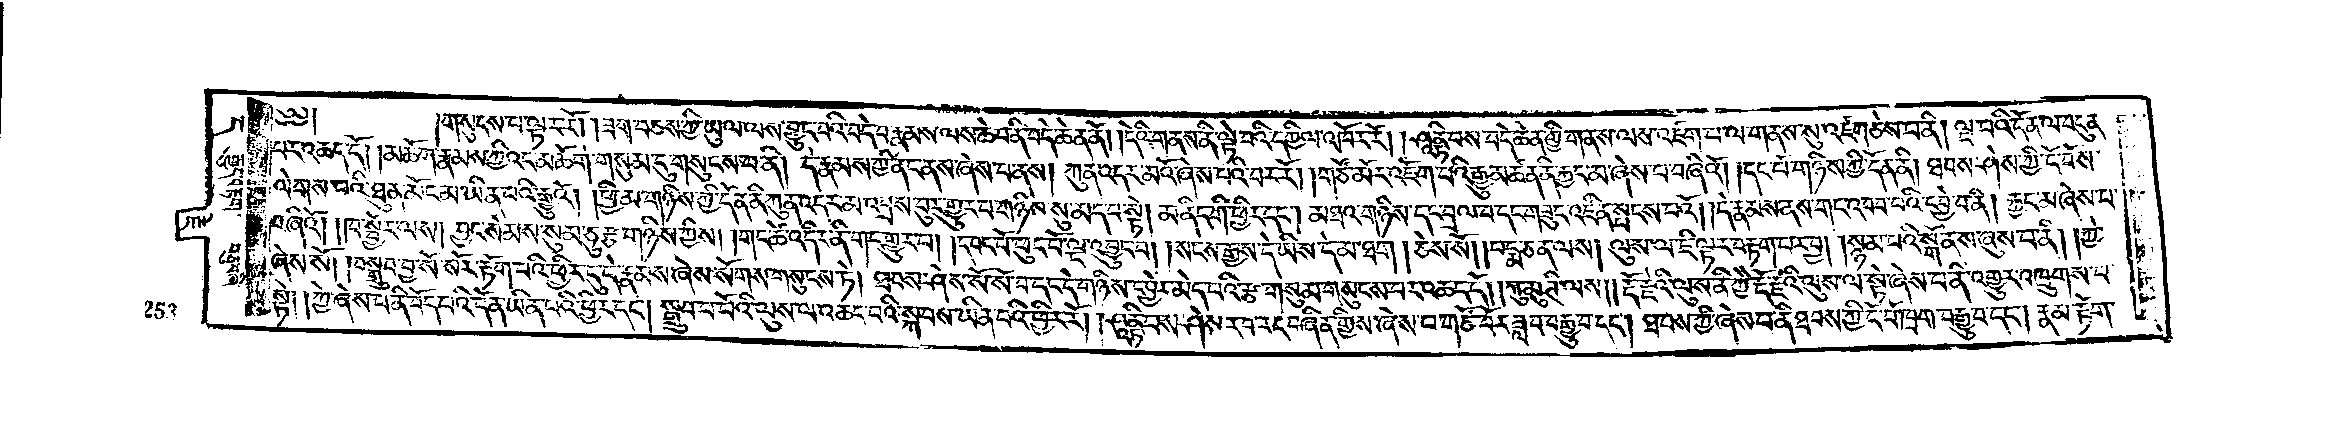༄༅། །གསུངས་པ་ལྟར་རོ། །ཟག་བཅས་ཀྱི་ཡུལ་ལས་བྱུང་བའི་བདེ་བ་རྣམས་ལས་ཆེ་བ་ནི་བདེ་ཆེན་ནོ། །དེའི་གནས་ནི་ལྟེ་བའི་དཀྱིལ་འཁོར་རོ། །ཤཱནྟི་བས་བདེ་ཆེན་གྱི་གནས་ལས་འཇོག་པ་ལ་གནས་སུ་འཛག་ཅེས་པ་ནི། ལྔ་བའི་དོན་ལ་བདུན་
པར་འཆད་དོ། །མཆོག་རྣམས་ཀྱིའང་མཆོག་གསུམ་དུ་གསུངས་པ་ནི། དེ་རྣམས་ཀྱི་ནང་ནས་ཞེས་པ་ནས། ཀུན་འདར་མའོ་ཞེས་པའི་བར་རོ། །གཙོ་མོར་འཇོག་པའི་རྒྱུ་མཚན་ནི་རྐྱང་མ་ཞེས་པ་བཞིའོ། །དང་པོ་གཉིས་ཀྱི་དོན་ནི། ཐབས་ཤེས་ཀྱི་ངོ་བོས་
ལེགས་པའི་ཐུན་མོང་མ་ཡིན་པའི་རྒྱུའོ། །ཕྱི་མ་གཉིས་ཀྱི་དོན་ནི་ཀུན་འདར་མ་འབྲས་བུར་གྱུར་པ་གཉིས་སུ་མེད་པ་སྟེ། མ་ནིང་གི་ཕྱིར་དང་། མཐའ་གཉིས་དང་བྲལ་བ་དང་གཟུང་འཛིན་སྤངས་པའོ། །དེ་རྣམས་ནས་གང་འབབ་པའི་དབྱེ་བ་ནི། རྐྱང་མ་ཞེས་པ་
བཞིའོ། །ཁ་སྦྱོར་ལས། བྱང་སེམས་སུམ་ཅུ་རྩ་གཉིས་ཀྱིས། །གང་ཚེ་འདིར་ནི་གང་གྱུར་པ། །དབང་པོ་ཕུང་པོ་ལྔ་འབྱུང་བ། །སངས་རྒྱས་དེ་ཡིས་དེ་མ་ཐག །ཅེས་སོ། །པདམ་ཅན་ལས། ལུས་ལ་ཇི་ལྟར་བརྟག་པར་བྱ། །སྙམ་པའི་སྒོ་ནས་ཞུས་པ་ནི། །ཀྱེ་
ཞེས་སོ། །བསྒྲུབ་བྱ་སོ་སོར་རྟོག་པའི་ཕྱིར་དུ་དེ་རྣམས་ཞེས་སོགས་གསུངས་ཏེ། ཐབས་ཤེས་སོ་སོ་བ་དང་དེ་གཉིས་དབྱེར་མེད་པའི་རྩ་གསུམ་གསུངས་པར་འཆད་དོ། །ཀུ་མུ་ཊི་ལས། །རྡོ་རྗེའི་ལུས་ནི་ཀྱཻ་རྡོ་རྗེའི་ལུས་ལ་སྟེ་ཞེས་པ་ནི་འགྱུར་འཁྲུགས་པ་
སྟེ། །ཀྱེ་ཞེས་པ་ནི་བོད་པའི་དོན་ཡིན་པའི་ཕྱིར་དང་། སྒྲུབ་པ་པོའི་ལུས་ལ་འཆད་པའི་སྐབས་ཡིན་པའི་ཕྱིར་རོ། །ཤཱནྟི་པས་ཤེས་རབ་རང་བཞིན་གྱིས་ཞེས་པ་གཙོ་བོར་ཟླ་བ་བརྒྱུ་བ་དང་། ཐབས་ཀྱི་ཞེས་པ་ནི་ཐབས་ཀྱི་ངོ་བོ་ཁྲག་བརྒྱུ་བ་དང་། རྣམ་རྟོག་